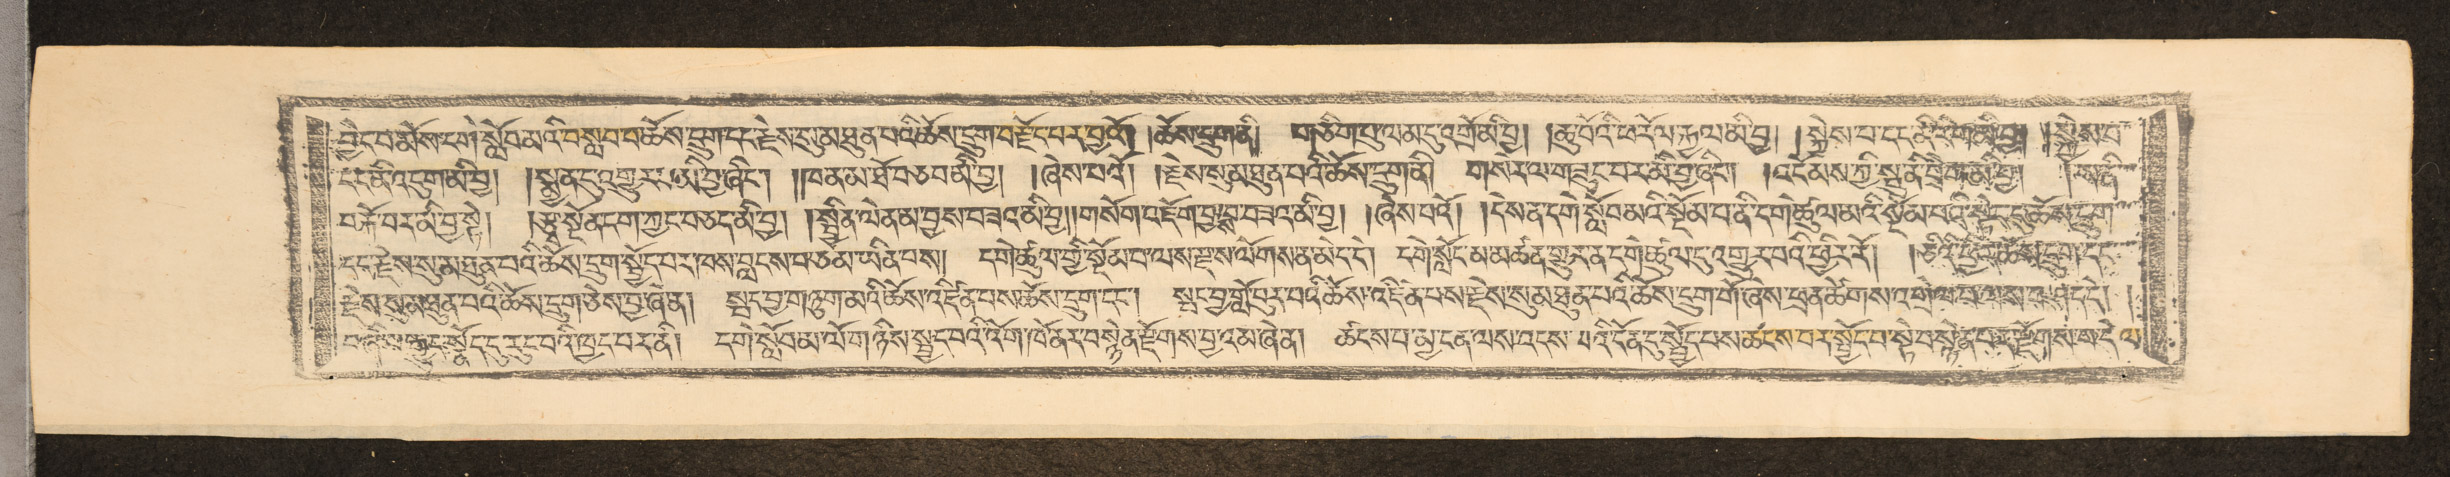བྱེད་པ་མོས་དགེ་སློབ་མའི་བསླབ་པ་ཆོས་དྲུག་དང་རྗེས་སུ་མཐུན་པའི་ཆོས་དྲུག་བརྗོད་པར་བྱའོ། །ཆོས་དྲུག་ནི། གཅིག་པུ་ལམ་དུ་འགྲོ་མི་བྱ། །ཆུ་བོའི་ཕ་རོལ་རྐྱལ་མི་བྱ། །སྐྱེས་པ་དང་ནི་རེག་མི་བྱ། །སྐྱེས་པ་
དང་ནི་འདུག་མི་བྱ། །སྨྱན་དུ་འགྱུར་བ་མི་བྱ་ཞིང་། །ཁ་ན་མ་ཐོ་བཅབ་མི་བྱ། །ཞེས་པའོ། །རྗེས་སུ་མཐུན་པའི་ཆོས་དྲུག་ནི། གསེར་ལ་གཟུང་བར་མི་བྱ་ཞིང་། །འདོམས་ཀྱི་སྤུ་ནི་བྲེག་མི་བྱ། །ས་ནི་
བརྐོ་བར་མི་བྱ་སྟེ། །རྩྭ་སྔོན་དག་ཀྱང་བཅད་མི་བྱ། །སྦྱིན་ལེན་མ་བྱས་བཟའ་མི་བྱ། །གསོག་འཇོག་བྱས་པ་བཟའ་མི་བྱ། །ཞེས་པའོ། །དེས་ན་དགེ་སློབ་མའི་སྡོམ་པ་ནི་དགེ་ཚུལ་མའི་སྡོམ་པའི་སྟེང་དུ་ཆོས་དྲུག་
དང་རྗེས་སུ་མཐུན་པའི་ཆོས་དྲུག་སྦྱོད་པར་ཁས་བླངས་པ་ཙམ་ཡིན་པས། དགེ་ཚུལ་གྱི་སྡོམ་པ་ལས་རྫས་ལོགས་ན་མེད་དེ། དགེ་སློབ་མ་མཚན་གྱུར་ན་དགེ་ཚུལ་དུ་འགྱུར་བའི་ཕྱིར་རོ། །ཅིའི་ཕྱིར་ཆོས་དྲུག་དང་
རྗེས་སུ་མཐུན་པའི་ཆོས་དྲུག་ཅེས་བྱ་ཞེ་ན། སྤང་བྱ་གཉུག་མའི་ཆོས་འཛིན་པས་ཆོས་དྲུག་དང་། སྤང་བྱ་གློ་བུར་བའི་ཆོས་འཛིན་པས་རྗེས་སུ་མཐུན་པའི་ཆོས་དྲུག་གོ་ཞེས་ཕྲན་ཚེགས་འགྲེལ་པ་ལས་བཤད་དོ། །
བཞི་པ་རྒྱུད་སྣོད་དུ་རུང་བའི་ཁྱད་པར་ནི། དགེ་སློབ་མ་ལོ་གཉིས་སྤྱད་པའི་འོག་ཁོ་ནར་བསྙེན་རྫོགས་བྱའམ་ཞེ་ན། ཚངས་པ་མྱ་ངན་ལས་འདས་པའི་དོན་དུ་སྤྱོད་པས་ཚངས་པར་སྤྱོད་པ་སྟེ་བསྙེན་པར་རྫོགས་པ་དེ་ལ་